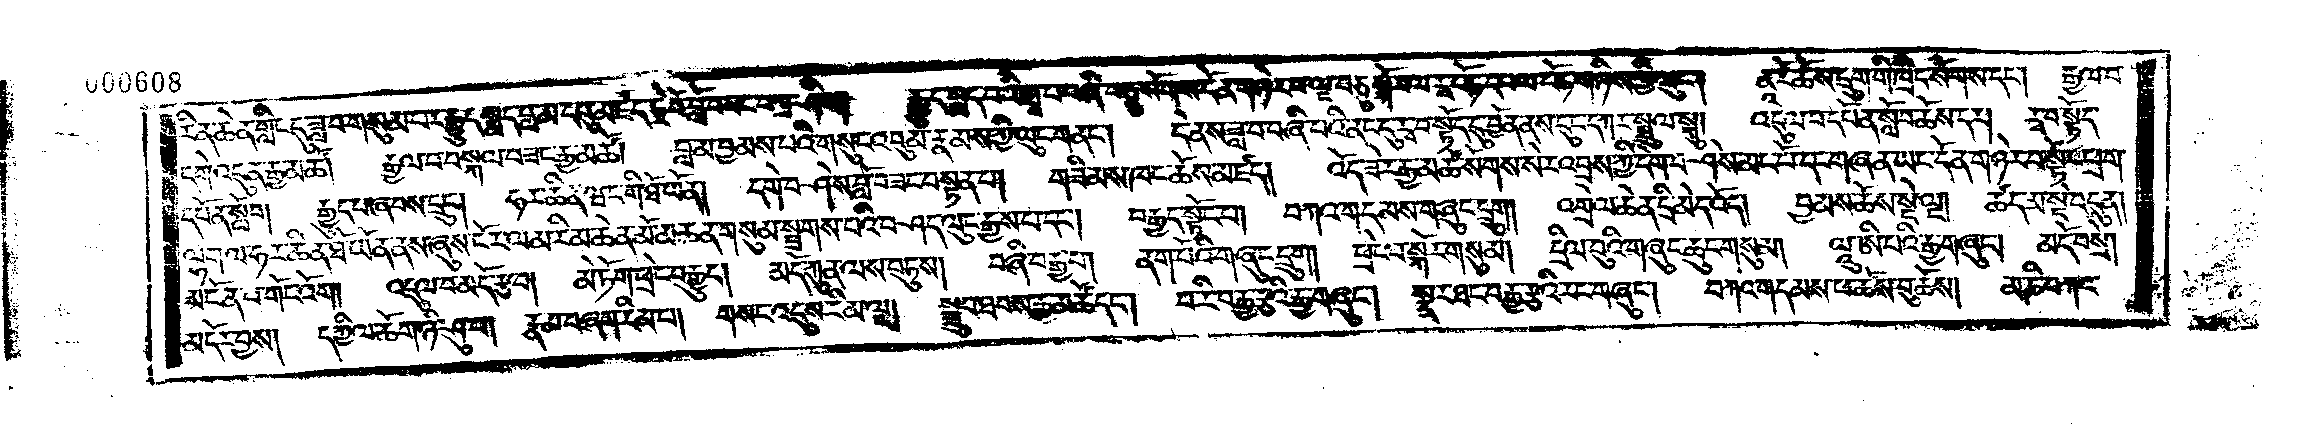རིན་ཆེན་གླིང་དུ་ཟླ་བ་གསུམ་བར་རྒྱུད་སྨད་བླ་མ་དབུ་མཛད་ཏྲེ་བོ་བློ་བཟང་བཀྲ་ཤིས། རྒྱུད་སྨད་པའི་གྲྭ་པ་བཞི་བཅུ་སོགས་དོན་གཉེར་བ་ལྔ་བཅུ་སྐོར་ལ་རྭ་པོཏ་དཔལ་པོཏ་གཉིས་ཀྱི་ལུང་། ནཱ་རོ་ཆོས་དྲུག་གི་ཁྲིད་སོགས་དང་། རྒྱལ་བ་
དགེ་འདུན་རྒྱ་མཚོ། རྒྱལ་བ་བསྐལ་བཟང་རྒྱ་མཚོ། བླ་མ་བྱམས་པའི་གསུང་འབུམ་རྣམས་ཀྱི་ལུང་གནང་། དེ་ནས་ཟླ་བ་བཞི་པའི་ནང་དུ་རྭ་བ་སྟོད་དུ་བྱོན་ནས་དུང་དཀར་སྤྲུལ་སྐུ། འདུལ་བ་དཔོན་སློབ་ཆོས་དང་། རྭ་བ་སྟོད་
དཔོན་སློབ། རྒྱུད་པ་ཞབས་དྲུང་། ཧར་ཆིན་ཝང་གི་ཐོ་ཡོན། དགེ་བཤེས་བློ་བཟང་བསྟན་པ། གཟིམས་ཁང་ཆོས་མཛད། འོད་ཟེར་རྒྱ་མཚོ་སོགས་སེར་འབྲས་ཀྱི་དགེ་བཤེས་མང་པོ་དང་གཞན་ཡང་དོན་གཉེར་བ་སྟོང་ཕྲག་
ལྷག་ལ་ཧར་ཆིན་ཐོ་ཡོན་ནས་ཞུས་ངོར་ལམ་རིམ་ཆེན་མོ་མཆན་གསུམ་སྦྲགས་པའི་བཤད་ལུང་རྒྱས་པ་དང་། བརྒྱད་སྟོང་པ། བཀའ་གདམས་གཞུང་དྲུག། འགྲེལ་ཆེན་དྲི་མེད་འོད། བྱམས་ཆོས་སྡེ་ལྔ། ཚད་མ་སྡེ་བདུན།
མངོན་པ་གོང་འོག། འདུལ་བ་མདོ་རྩ་བ། མེ་ཏོག་ཕྲེང་བརྒྱུད། མདོ་ཀུན་ལས་བཏུས། བཞི་བརྒྱ་པ། ནག་པོའི་གཞུང་དྲུག། ཕྲེང་བསྐོར་གསུམ། དྲིལ་བུའི་གཞུང་ཆུང་གསུམ། ལཱུ་ཨི་པའི་རྒྱ་གཞུང་། མདོ་བསྲེ།
མདོར་བྱས། དཀྱིལ་ཆོག་ཉི་ཤུ་པ། རྣམ་བཞག་རིམ་པ། གསང་འདུས་རིམ་ལྔ། སྒྲུབ་ཐབས་རྒྱ་མཚོ་དང་། བ་རི་བརྒྱ་རྩའི་རྒྱ་གཞུང་། སྣར་ཐང་བརྒྱ་རྩའི་རང་གཞུང་། བཀའ་གདམས་ཕ་ཆོས་བུ་ཆོས། མ་ཎི་བཀའ་